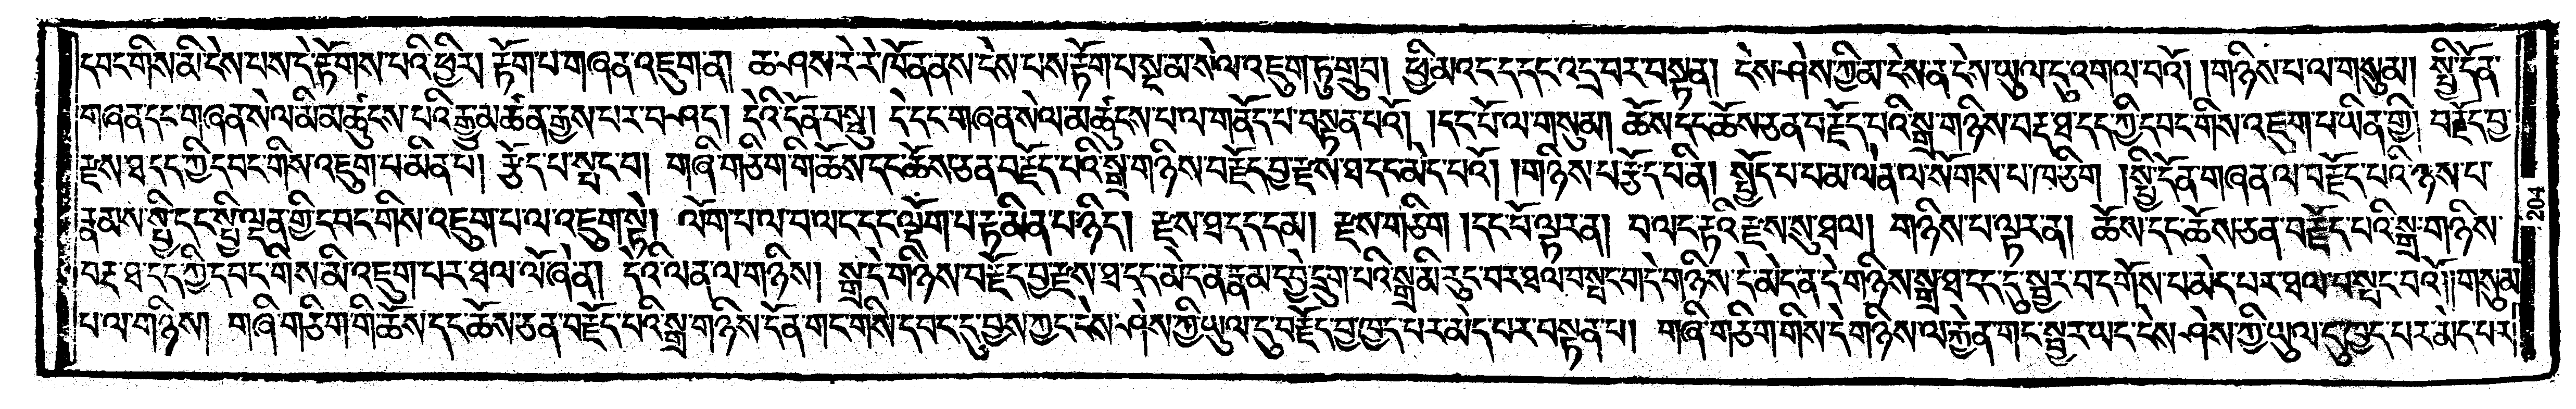དབང་གིས་མི་ངེས་པས་དེ་རྟོགས་པའི་ཕྱིར། རྟོག་པ་གཞན་འཇུག་ན། ཆ་ཤས་རེ་རེ་ཁོ་ན་ནས་ངེས་པས་རྟོག་པ་སྔ་མ་སེལ་འཇུག་ཏུ་གྲུབ། ཕྱི་མའང་ད་དང་འདྲ་བར་བསྟན། ངེས་ཤེས་ཀྱི་མ་ངེས་ན་ངེས་ཡུལ་དུ་འགལ་བའོ། །གཉིས་པ་ལ་གསུམ། སྤྱི་དོན་
གཞན་དང་གཞན་སེལ་མི་མཚུངས་པའི་རྒྱུ་མཚན་རྒྱས་པར་བཤད། དེའི་དོན་བསྡུ་?། དེ་དང་གཞན་སེལ་མཚུངས་པ་ལ་གནོད་པ་བསྟན་པའོ། །དང་པོ་ལ་གསུམ། ཆོས་དང་ཆོས་ཅན་བརྗོད་པའི་སྒྲ་གཉིས་བརྡ་ཐ་དད་ཀྱི་དབང་གིས་འཇུག་པ་ཡིན་གྱི། བརྗོད་བྱ་
རྫས་ཐ་དད་ཀྱི་དབང་གིས་འཇུག་པ་མིན་པ། རྩོད་པ་སྤང་བ། གཞི་གཅིག་གི་ཆོས་དང་ཆོས་ཅན་བརྗོད་པའི་སྒྲ་གཉིས་བརྗོད་བྱ་རྫས་ཐ་དད་མེད་པའོ། །གཉིས་པ་རྩོད་པ་ནི། སྤྱོད་པ་པ་མ་ལེན་ལ་སོགས་པ་ཁ་ཅིག །སྤྱི་དོན་གཞན་ལ་བརྗོད་པའི་ཉས་པ་
རྣམས་སྤྱི་དང་སྤྱི་ལྡན་གྱི་དབང་གིས་འཇུག་པ་ལ་འཇུག་སྟེ། ལོག་པ་ལ་བ་ལང་དང་ལྡོག་པ་རྟ་མིན་པ་ཉིད། རྫས་ཐ་དད་དམ། རྫས་གཅིག །དང་པོ་ལྟར་ན། བ་ལང་རྟའི་རྫས་སུ་ཐལ། གཉིས་པ་ལྟར་ན། ཆོས་དང་ཆོས་ཅན་བརྗོད་པའི་སྒྲ་གཉིས་
བརྡ་ཐ་དད་ཀྱི་དབང་གིས་མི་འཇུག་པར་ཐལ་ལོ་ཞེ་ན། དེའི་ལན་ལ་གཉིས། སྒྲ་དེ་གཉིས་བརྗོད་བྱ་རྫས་ཐ་དད་མེད་ན་རྣམ་དབྱེ་དྲུག་པའི་སྒྲ་མི་རུང་བར་ཐལ་བ་སྤང་བ། དེ་གཉིས་དེ་མེད་ན་དེ་གཉིས་སྒྲ་ཐ་དད་དུ་སྦྱར་བ་དགོས་པ་མེད་པར་ཐལ་བ་སྤང་བའོ། །གསུམ་
པ་ལ་གཉིས། གཞི་གཅིག་གི་ཆོས་དང་ཆོས་ཅན་བརྗོད་པའི་སྒྲ་གཉིས་དོན་གང་གིས་དབང་དུ་བྱས་ཀྱང་ངེས་ཤེས་ཀྱི་ཡུལ་དུ་བརྗོད་བྱ་ཁྱད་པར་མེད་པར་བསྟན་པ། གཞི་གཅིག་གིས་དེ་གཉིས་ལ་རྐྱེན་གང་སྦྱར་ཡང་ངེས་ཤེས་ཀྱི་ཡུལ་དུ་ཁྱད་པར་མེད་པར་